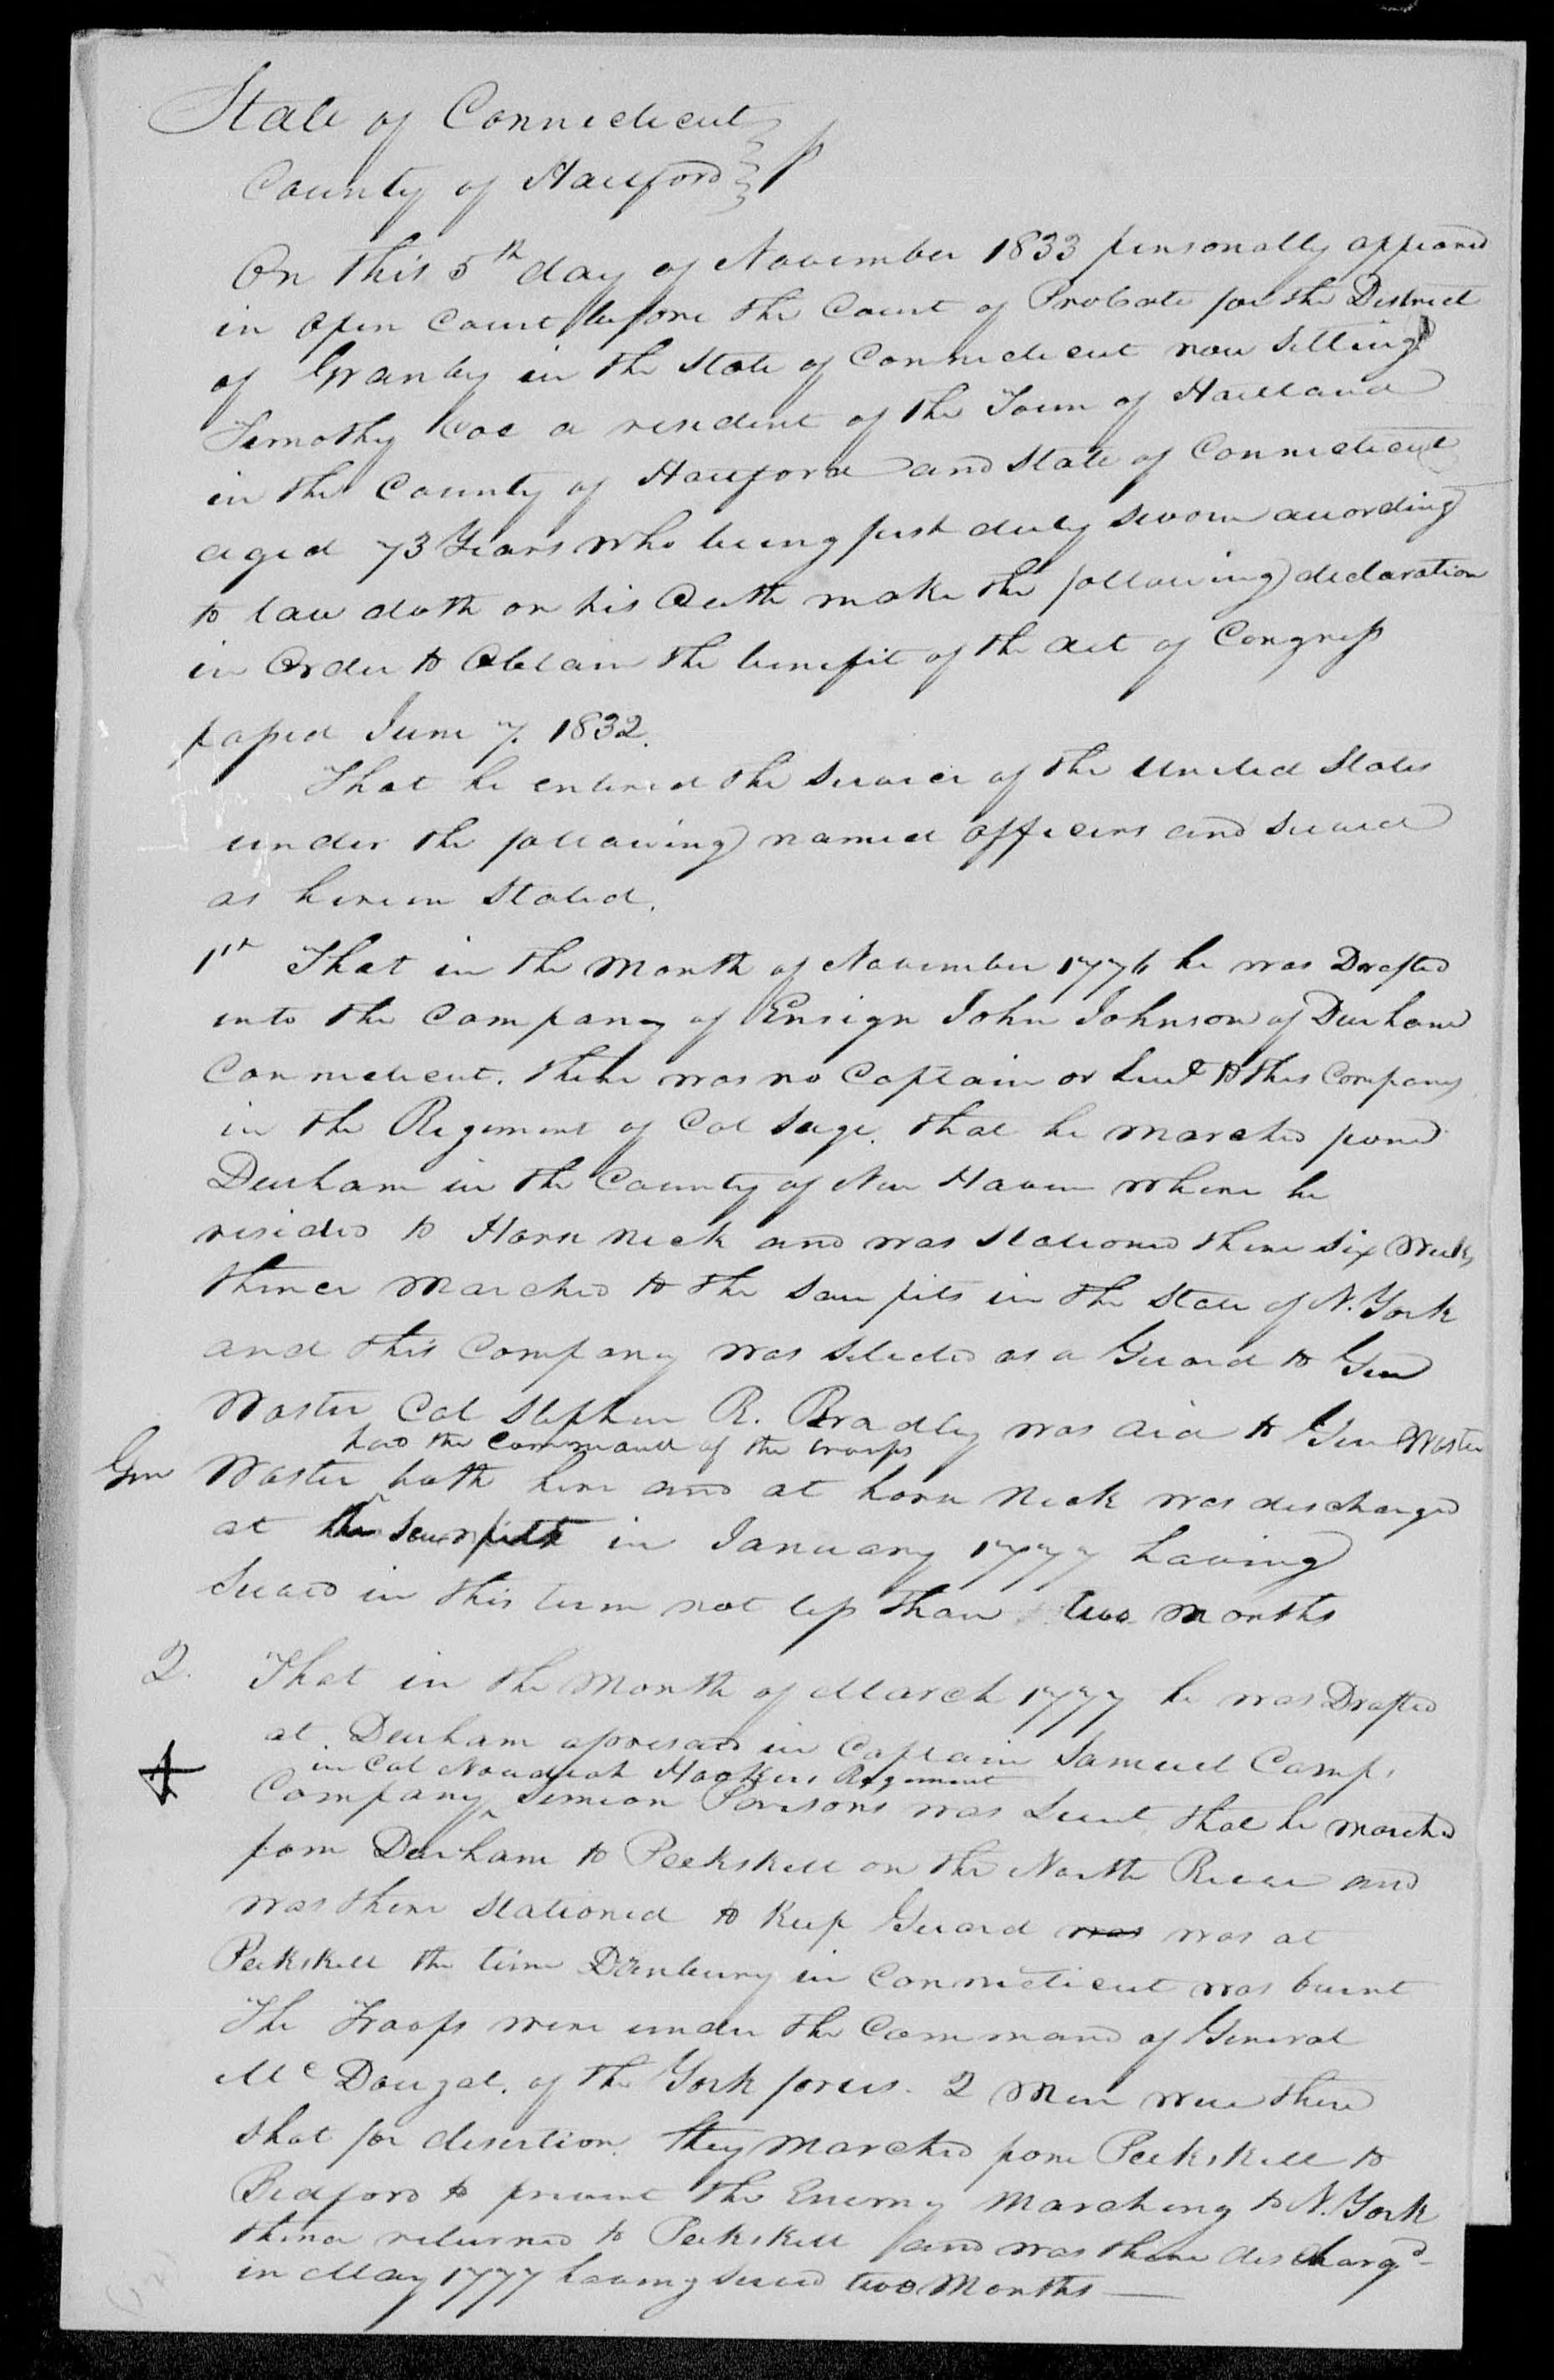State of Connecticut}
County of Hartford} Ss

On this 5th day of November 1833 personally appeared in open court before the Court of Probate for the District of Granby in the State of Connecticut now sitting Timothy Coe a resident of the Town of Hartland in the County of Hartford and State of Connecticut aged 73 years who being first duly sworn according to law doth on his oath make the following declaration in order to obtain the benefit of the Act of Congress passed June 7, 1832.
That he entered the service of the United Stated under the following named officers and served as herein stated.

1st. That in the month of November 1776 he was drafted into the company of Ensign John Johnson of Durham Connecticut there was no Captain or Lieut to this Company in the Regiment of Col Sage that he marched from Durham in the County of New Haven where he resided to Horse neck and was stationed there six weeks, thence marched to the Saw pits in the state of N. York and this company was selected as a Guard to Gen Woster Col Stephen R. Bradley was aid to Gen Woster had the command of the troops
Gen Woster hath line and at horse neck was discharged at the Saw pits in January 1777 having served in this term not less than two months.

2 That in the month of March 1777 he was drafted at Durham aforesaid in Captain Samuel Camp Company Simeon Parsons was Lieut that he marched from Durham to Peekskill on the North River and was there stationed to keep guard was at Peekskill the time Danbury in Connecticut was burnt The Troops were under the Command of General McDougal of the York forces. 2 men were there shot for desertion they marched from Peekskill to Bedford to prevent the enemy marching to N York thence returned to Peekskill and was there discharged in May 1777 having served two months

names: Stephen R Bradly, Simeon Parsons, Woster, Woster, Woster, Mc Dougal, John Johnson, Sage, Timothy Coe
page: 66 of 76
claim: widow's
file: W. 5,250, Timothy Coe, Conn.